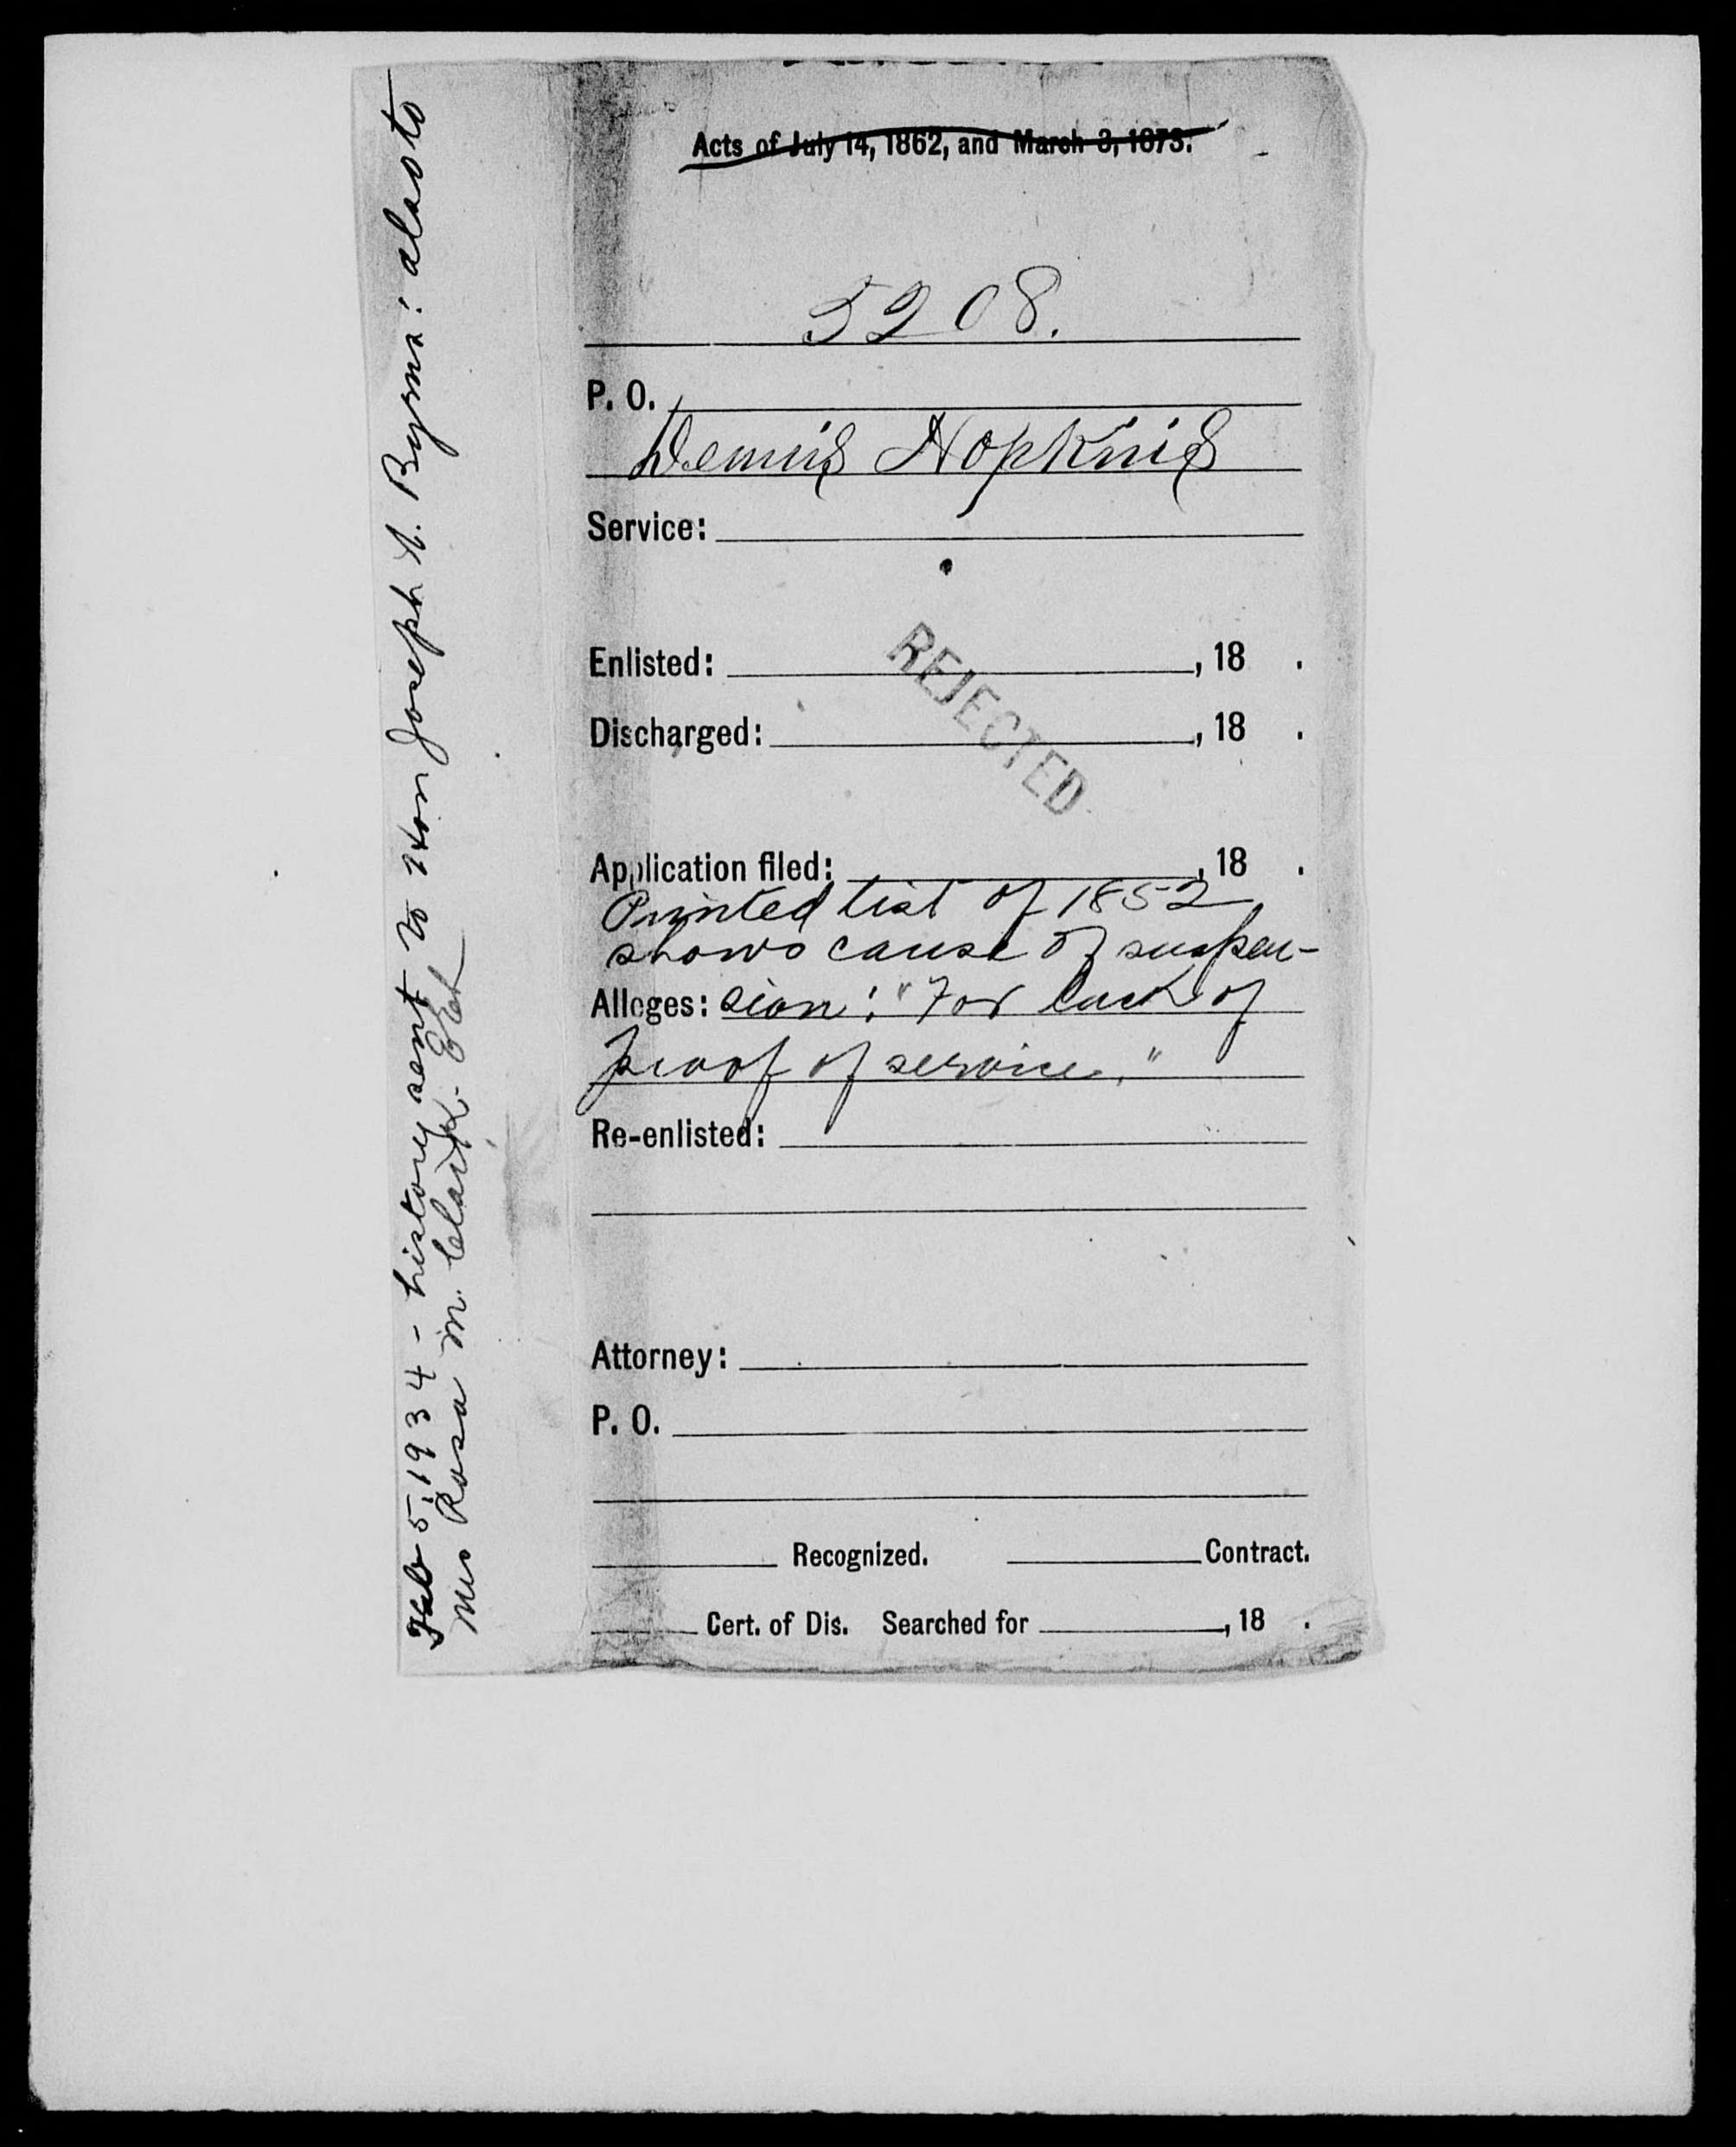left side vertical in margin:

Feb 5, 1934 - history sent to Hon Joseph A. Byrns: also to Mrs Rosa M. Clark &reb

[crossed out] Act of July 4, 1862, and Waren 137

5208
P.O. 
Delmar Hopkins
Service: ___
Enlisted: ___ , 18 [stamped across the lines of these] -  REJECTED
Discharged:___, 18

Application filed:  ____, 18
[handwritten] Printed list of 1852
shows cause of suspen- 
Alleges: sion: For lack of
proof of service."
Re-enlisted: ____
Attorney:____
P. O. _____
_____Recognized.  _____Contract.
Cert. of Dis.   Searched for_____, 18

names: Dennis Hopkins, Rosa M Clark, Joseph W Byrns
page: 12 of 144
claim: rejected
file: R. 5208, Dennis Hopkins, N.C.